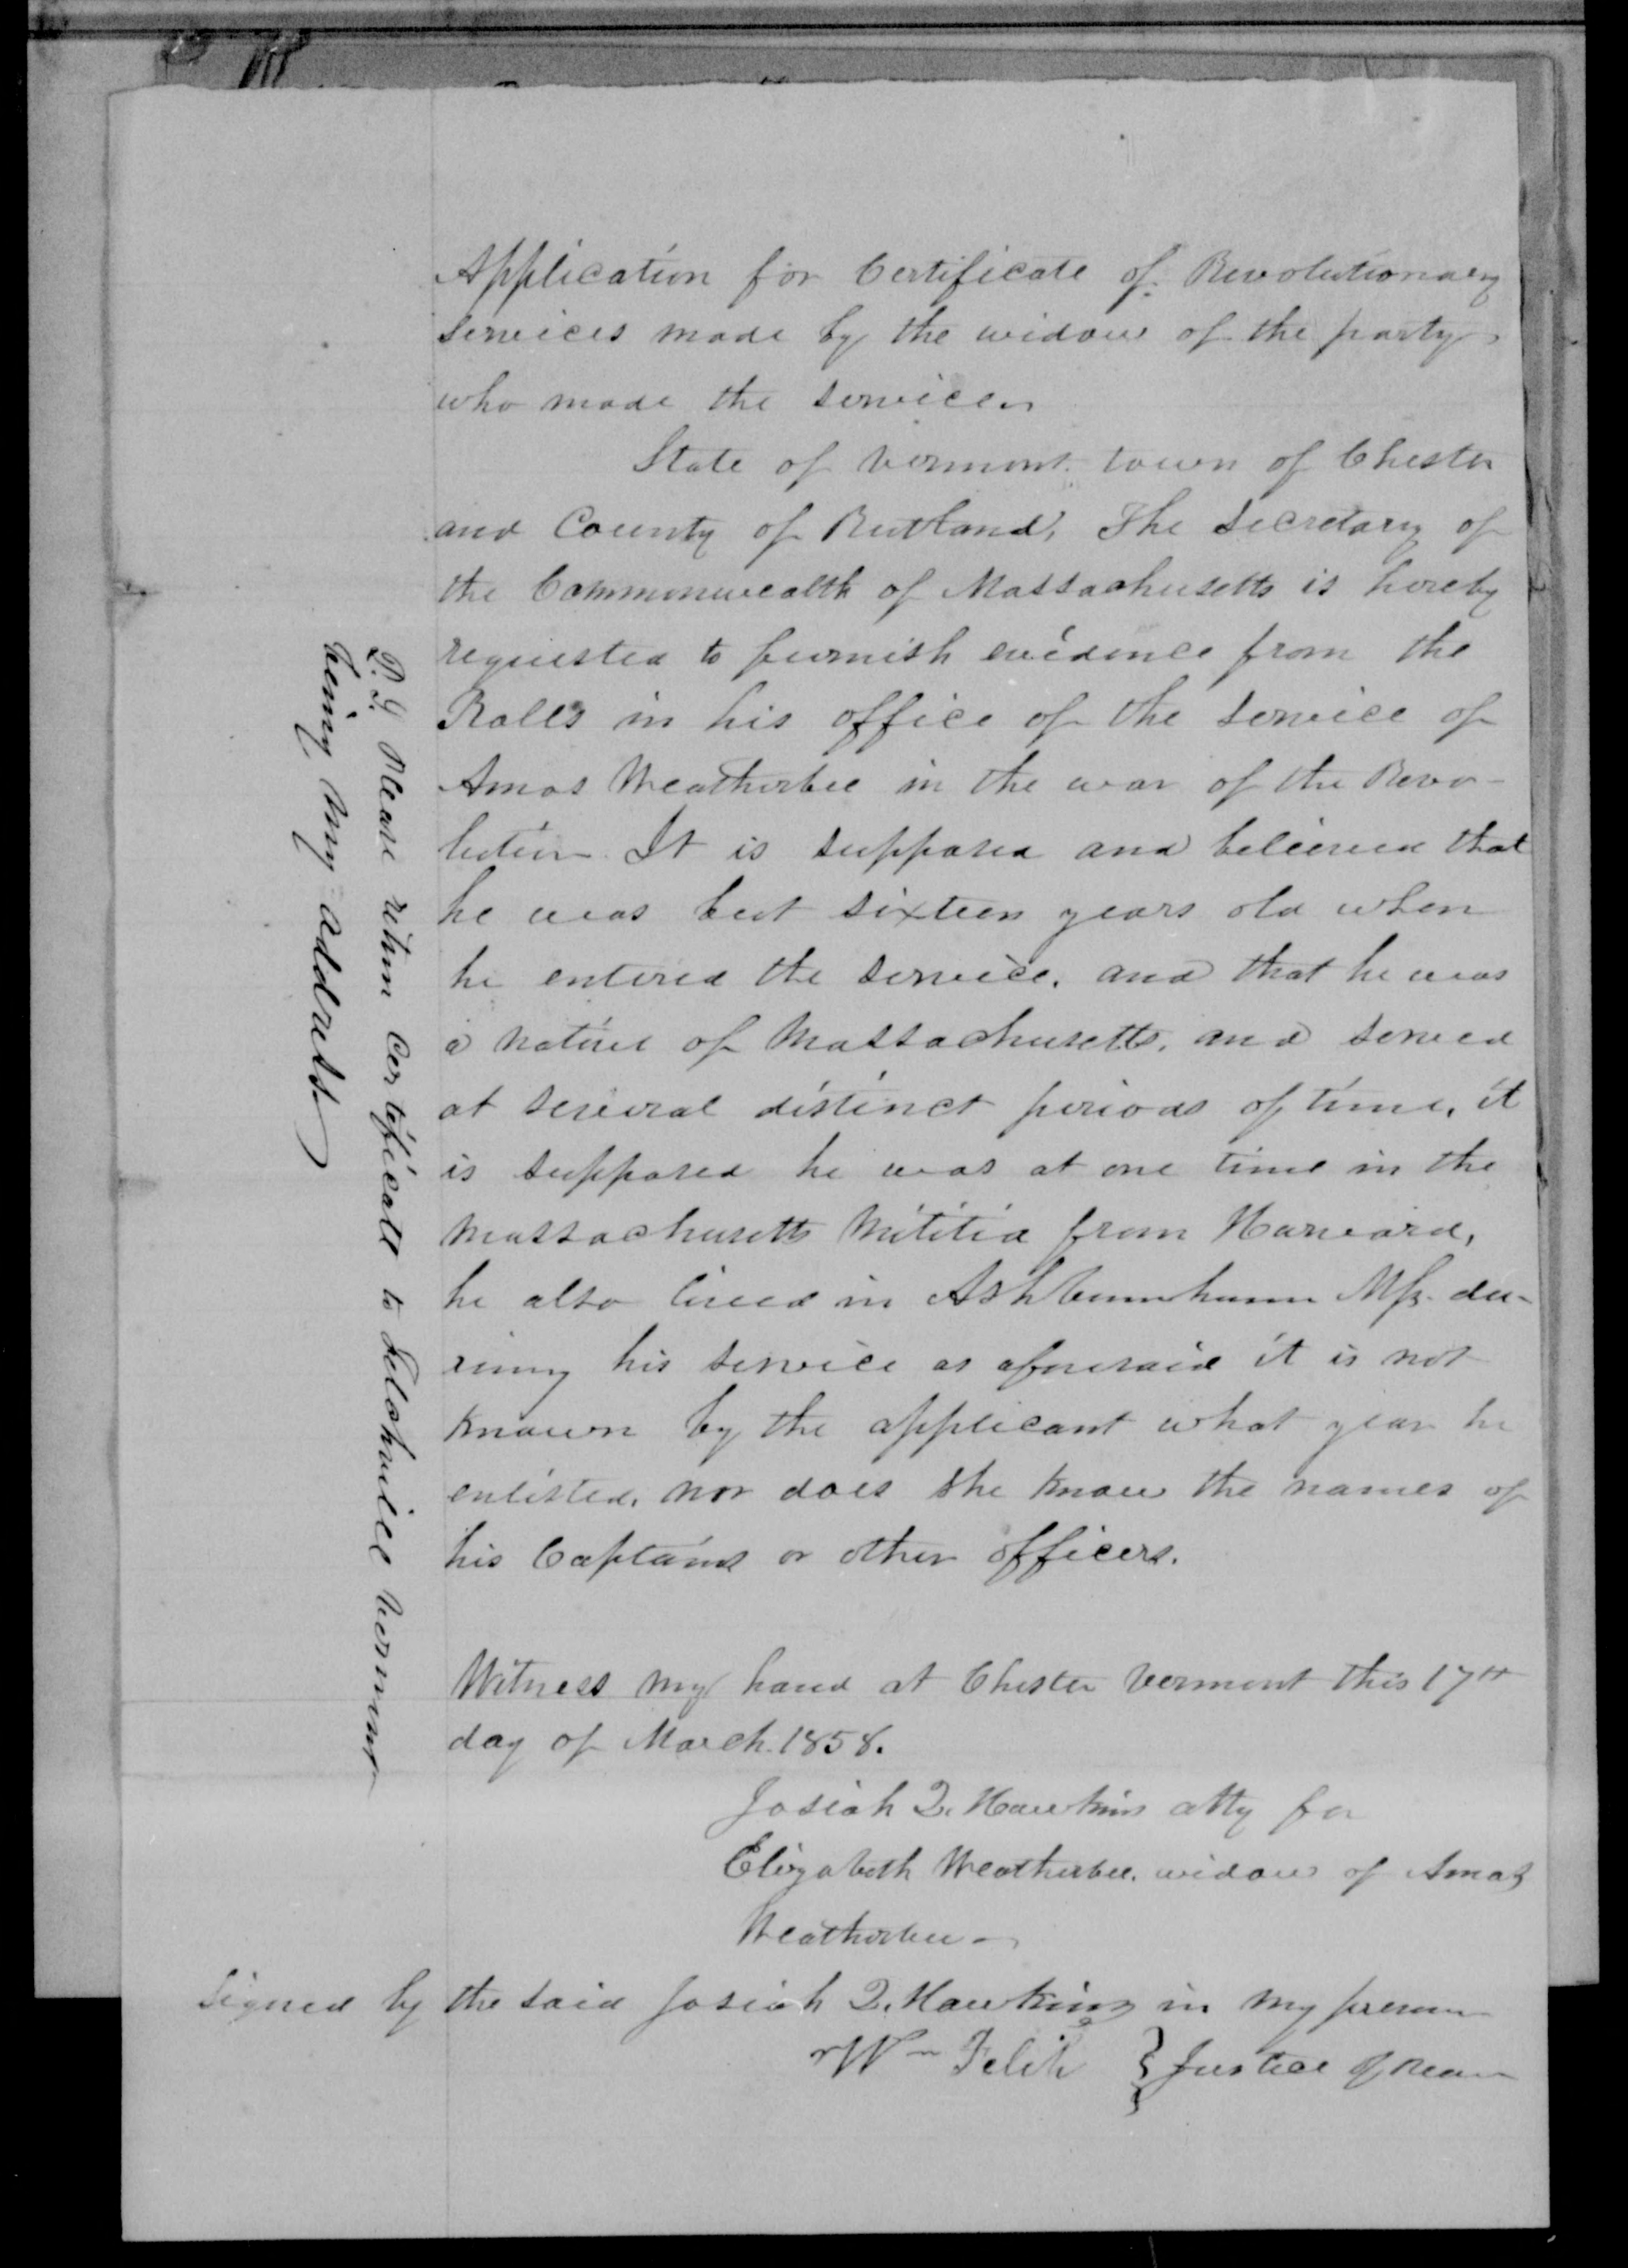Application for Certificate of Revolutionary Services made by the widow of the party who made the service.
State of Vermont, town of Chester and County of Rutland The Secretary of the Commonwealth of Massachusetts is hereby requested to furnish evidence from the Rolls in his office of the service of Amos Weatherbee in the war of the Revolution. It is supposed and believed that he was but sixteen years old when he entered the service and that he was a native of Massachusetts, and served at several distinct periods of time, it is supposed he was at one time in the Massachusetts Militia from Harvard, he also lived in Ashburnham Mass. during his service as aforesaid it is not known by the applicant what year he enlisted nor does she know the names of his Captains or other officers.
Witness my hand at Chester Vermont this 17th day of March 1858.
Josiah Q. Hawkins, atty for Elizabeth Weatherbee widow of Amos Weatherbee
Signed by the said Josiah Q. Hawkins in my presence. W. Felch Justice of Peace

(notation made in left margin)-L. G. please return certificate to Felchville, Vermont being my address.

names: Amos Weatherbee, Wm Felch, Josiah Q Hawkins, Elizabeth Weatherbee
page: 39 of 66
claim: widow's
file: W. 2468, Amos Wetherbee, Mass.